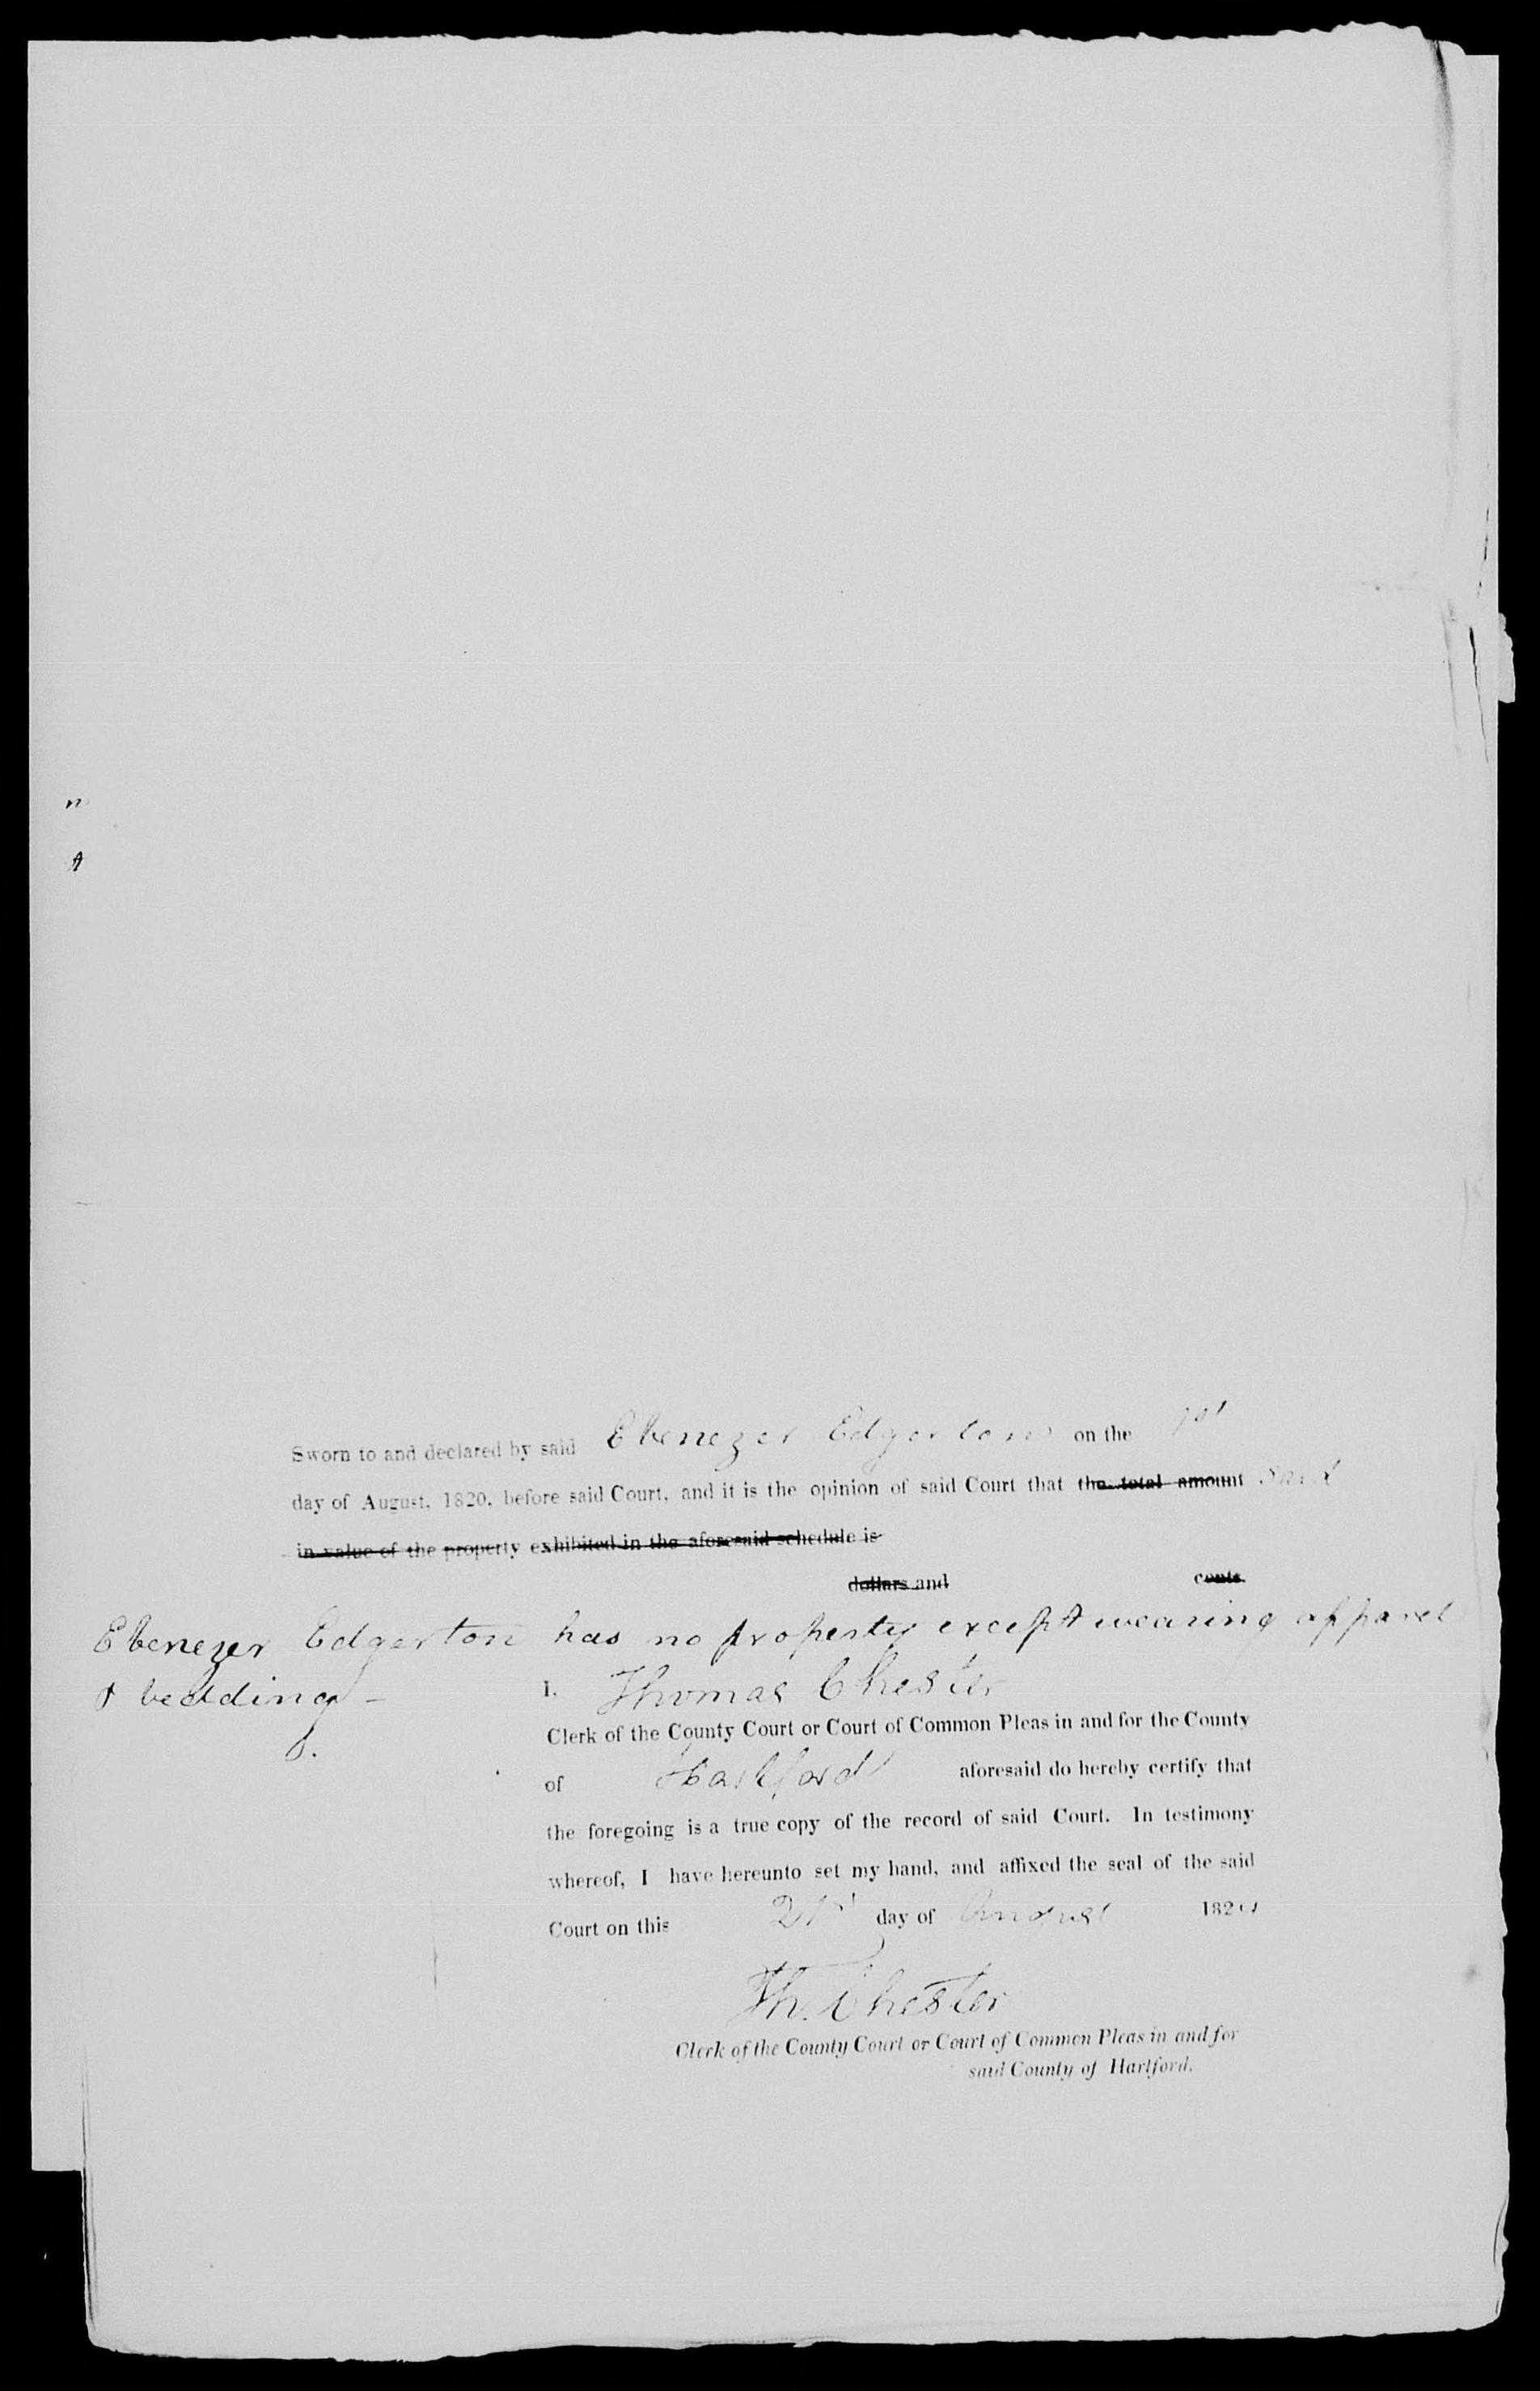Sworn to and declared by said Ebenezer Edgerton on the 1st day of August, 1820, before said Court, and it is the opinion of said Court that 
[Following text is lined through: the total amount in value of the property exhibited in the aforesaid schedule is __ dollars and __ cents]
said Ebenezer Edgerton has no property except wearing apparel & bedding - 

I, Thomas Chester Clerk of the County Court or Court of Common Pleas in and for the County of Hartford aforesaid do hereby certify that the foregoing is a true copy of the record of said Court. In testimony whereof, I have hereunto set my hand, and affixed the seal of the said Court on this 2[Illegible] day of August 1820

Th. Chester
Clerk of the County Court or Court of Common Pleas in and for 
said County of Hartford.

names: Th Chester, Thomas Chester, Ebenezer Edgerton, Ebenezer Edgerton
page: 8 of 18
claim: survivor's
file: S. 37,904, Ebenezer Edgerton, [BLANK]